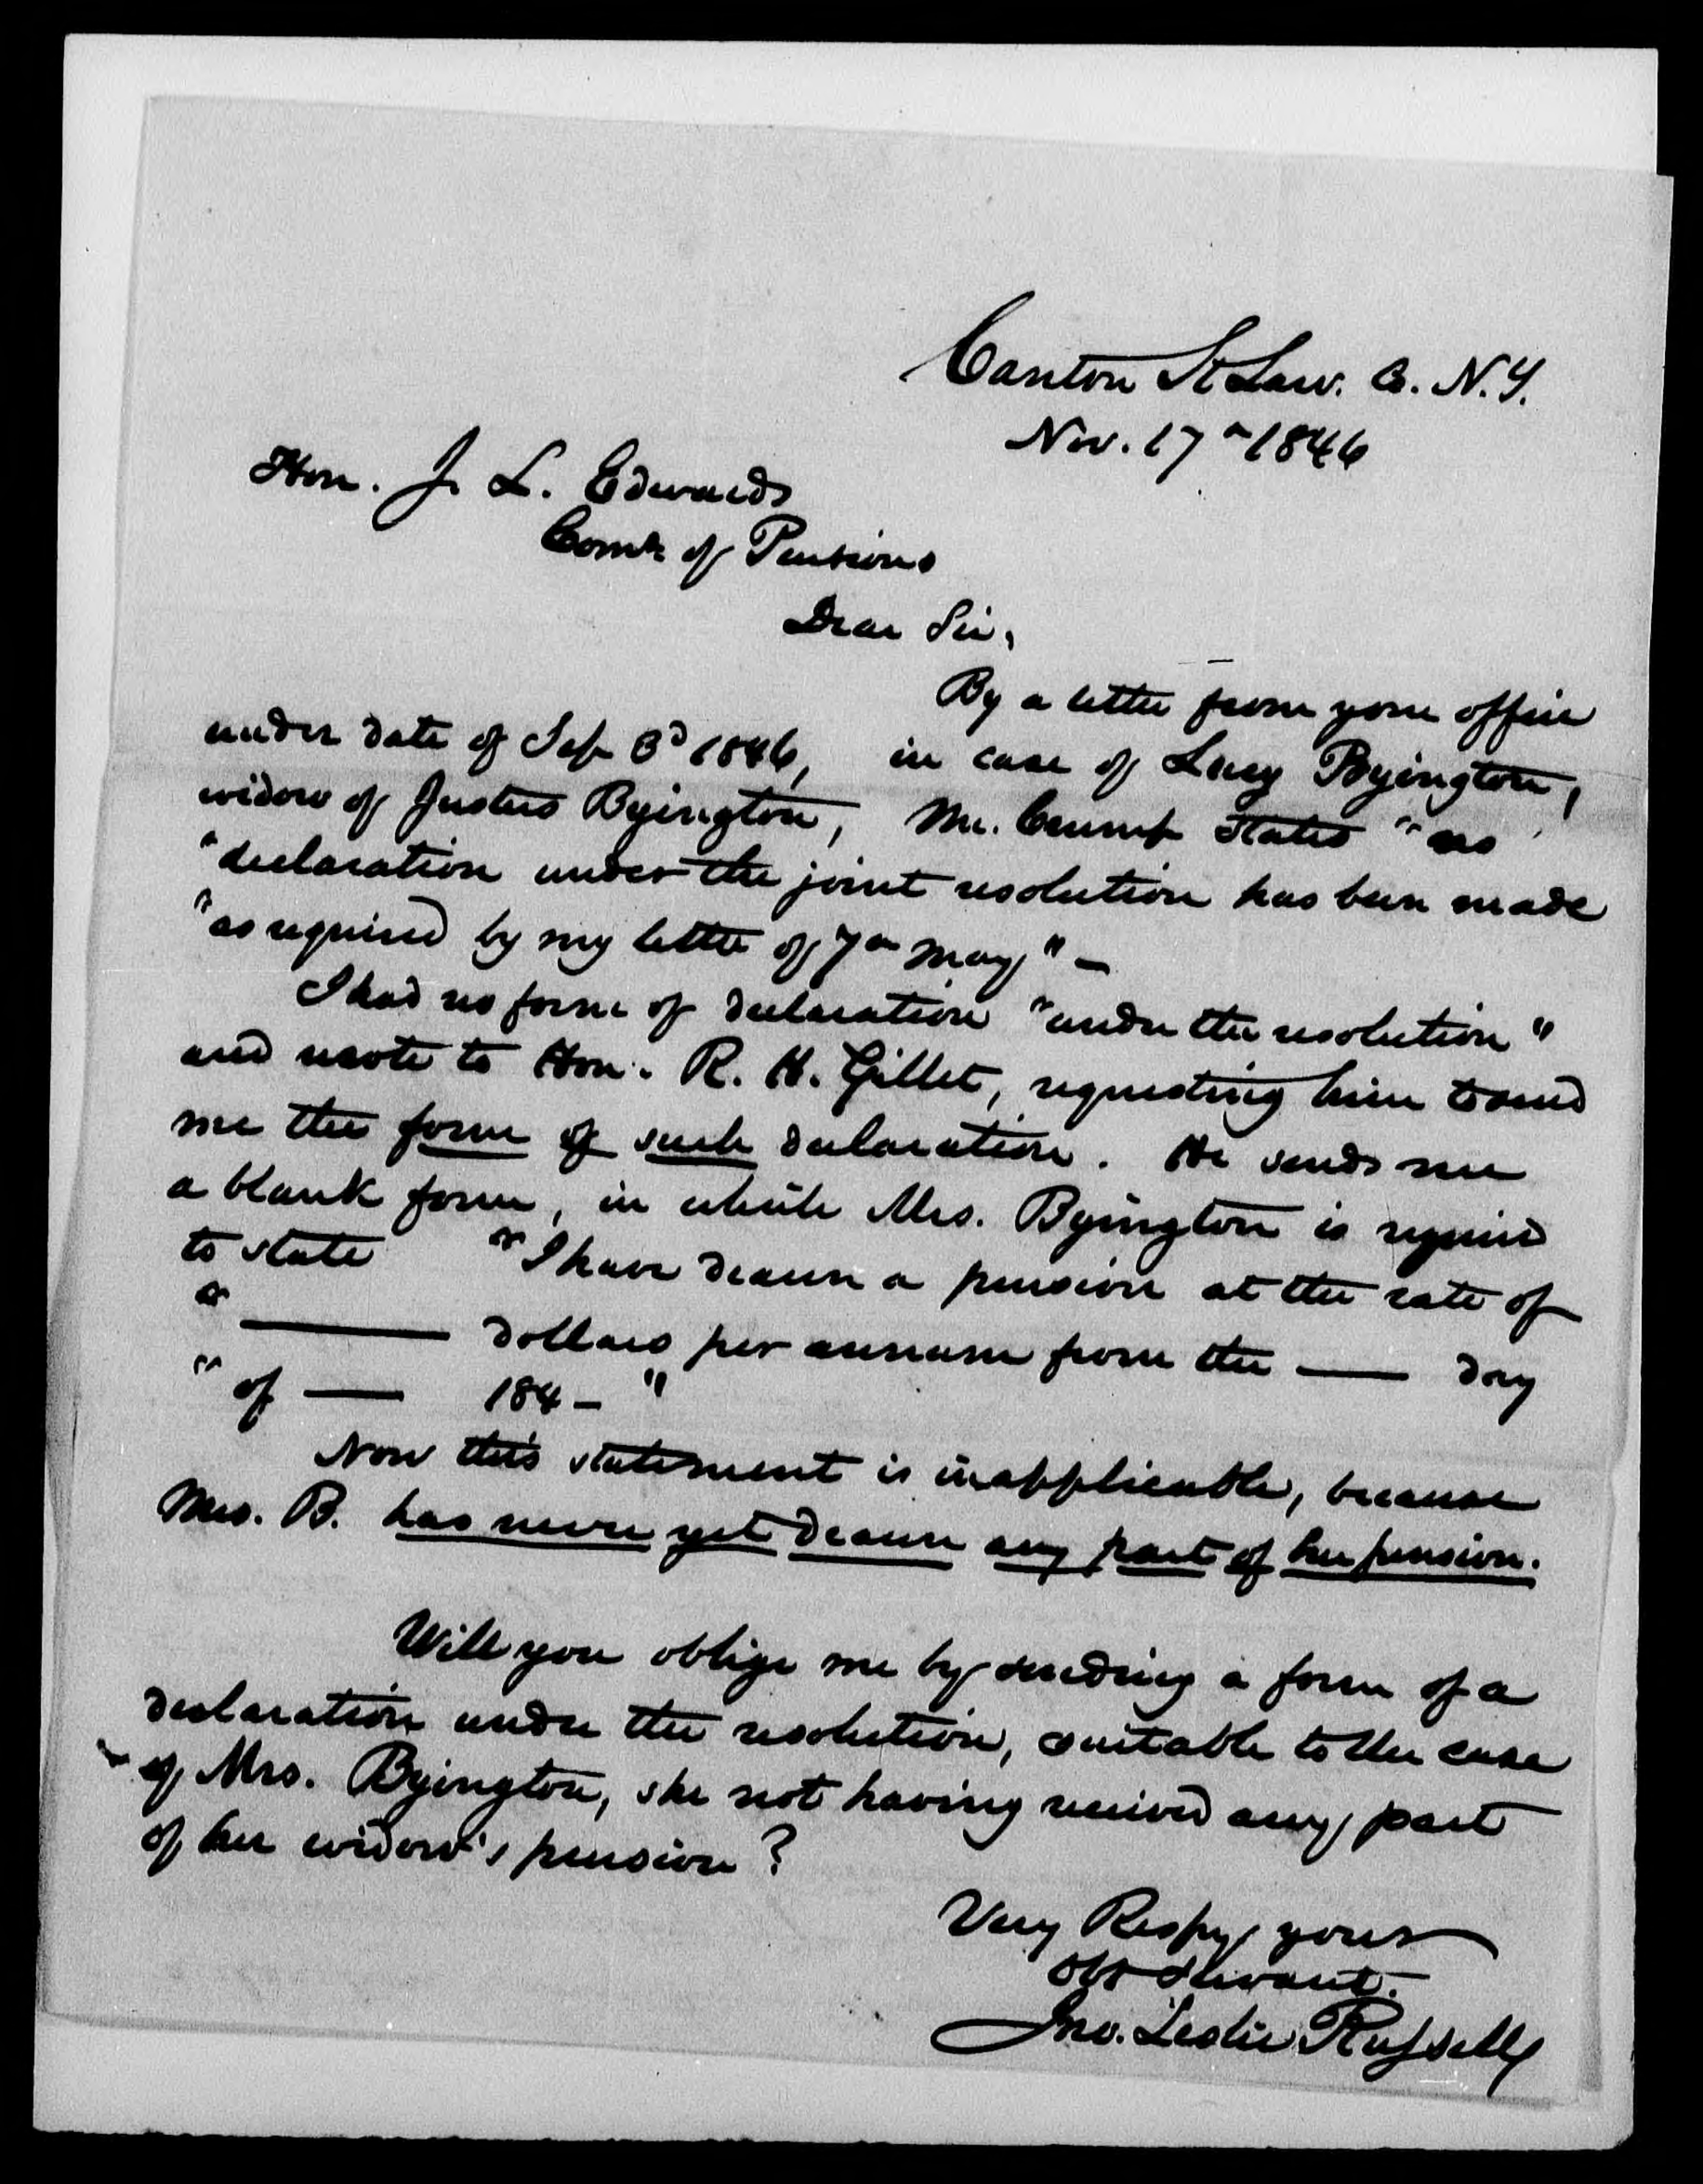Canton St. Lawrence N.Y.
Nov. 17th 1846

Hon. J. L. Edwards
Com of Pensions

Dear Sir,
By a letter from your office under date of Feb 3rd 1846, in case of Lucy Byington, widow of Justus Byington, Mr. Crumb states "as declaration under the joint resolution has been made as required by my letter of 7th May"-
I had as form of declaration "under the resolution" and wrote to Hon. R. H. Gillet, requesting him to send me the form of such declaration. He sends me a blank for, in which Mrs. Byington is required to state "I have drawn a pension at the rate of _________ dollars per annum from the ________ day of _____ 184__"
Now this statement is insufficient, because Mrs. B. has never yet drawn any part of her pension.

Will you oblige me by resending a form of a declaration under the resolution, suitable to the case of Mrs. Byington, she not having received any part of her widow's pension?

Very Respectfully your
obt servant
Jno. Leslie Russell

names: R H Gillet, Byington, Byington, Jno Leslie Russell, J L Edwards, Lucy Byington, Justus Byington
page: 37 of 79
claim: widow's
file: W. 23754, Justus Byington, Conn.